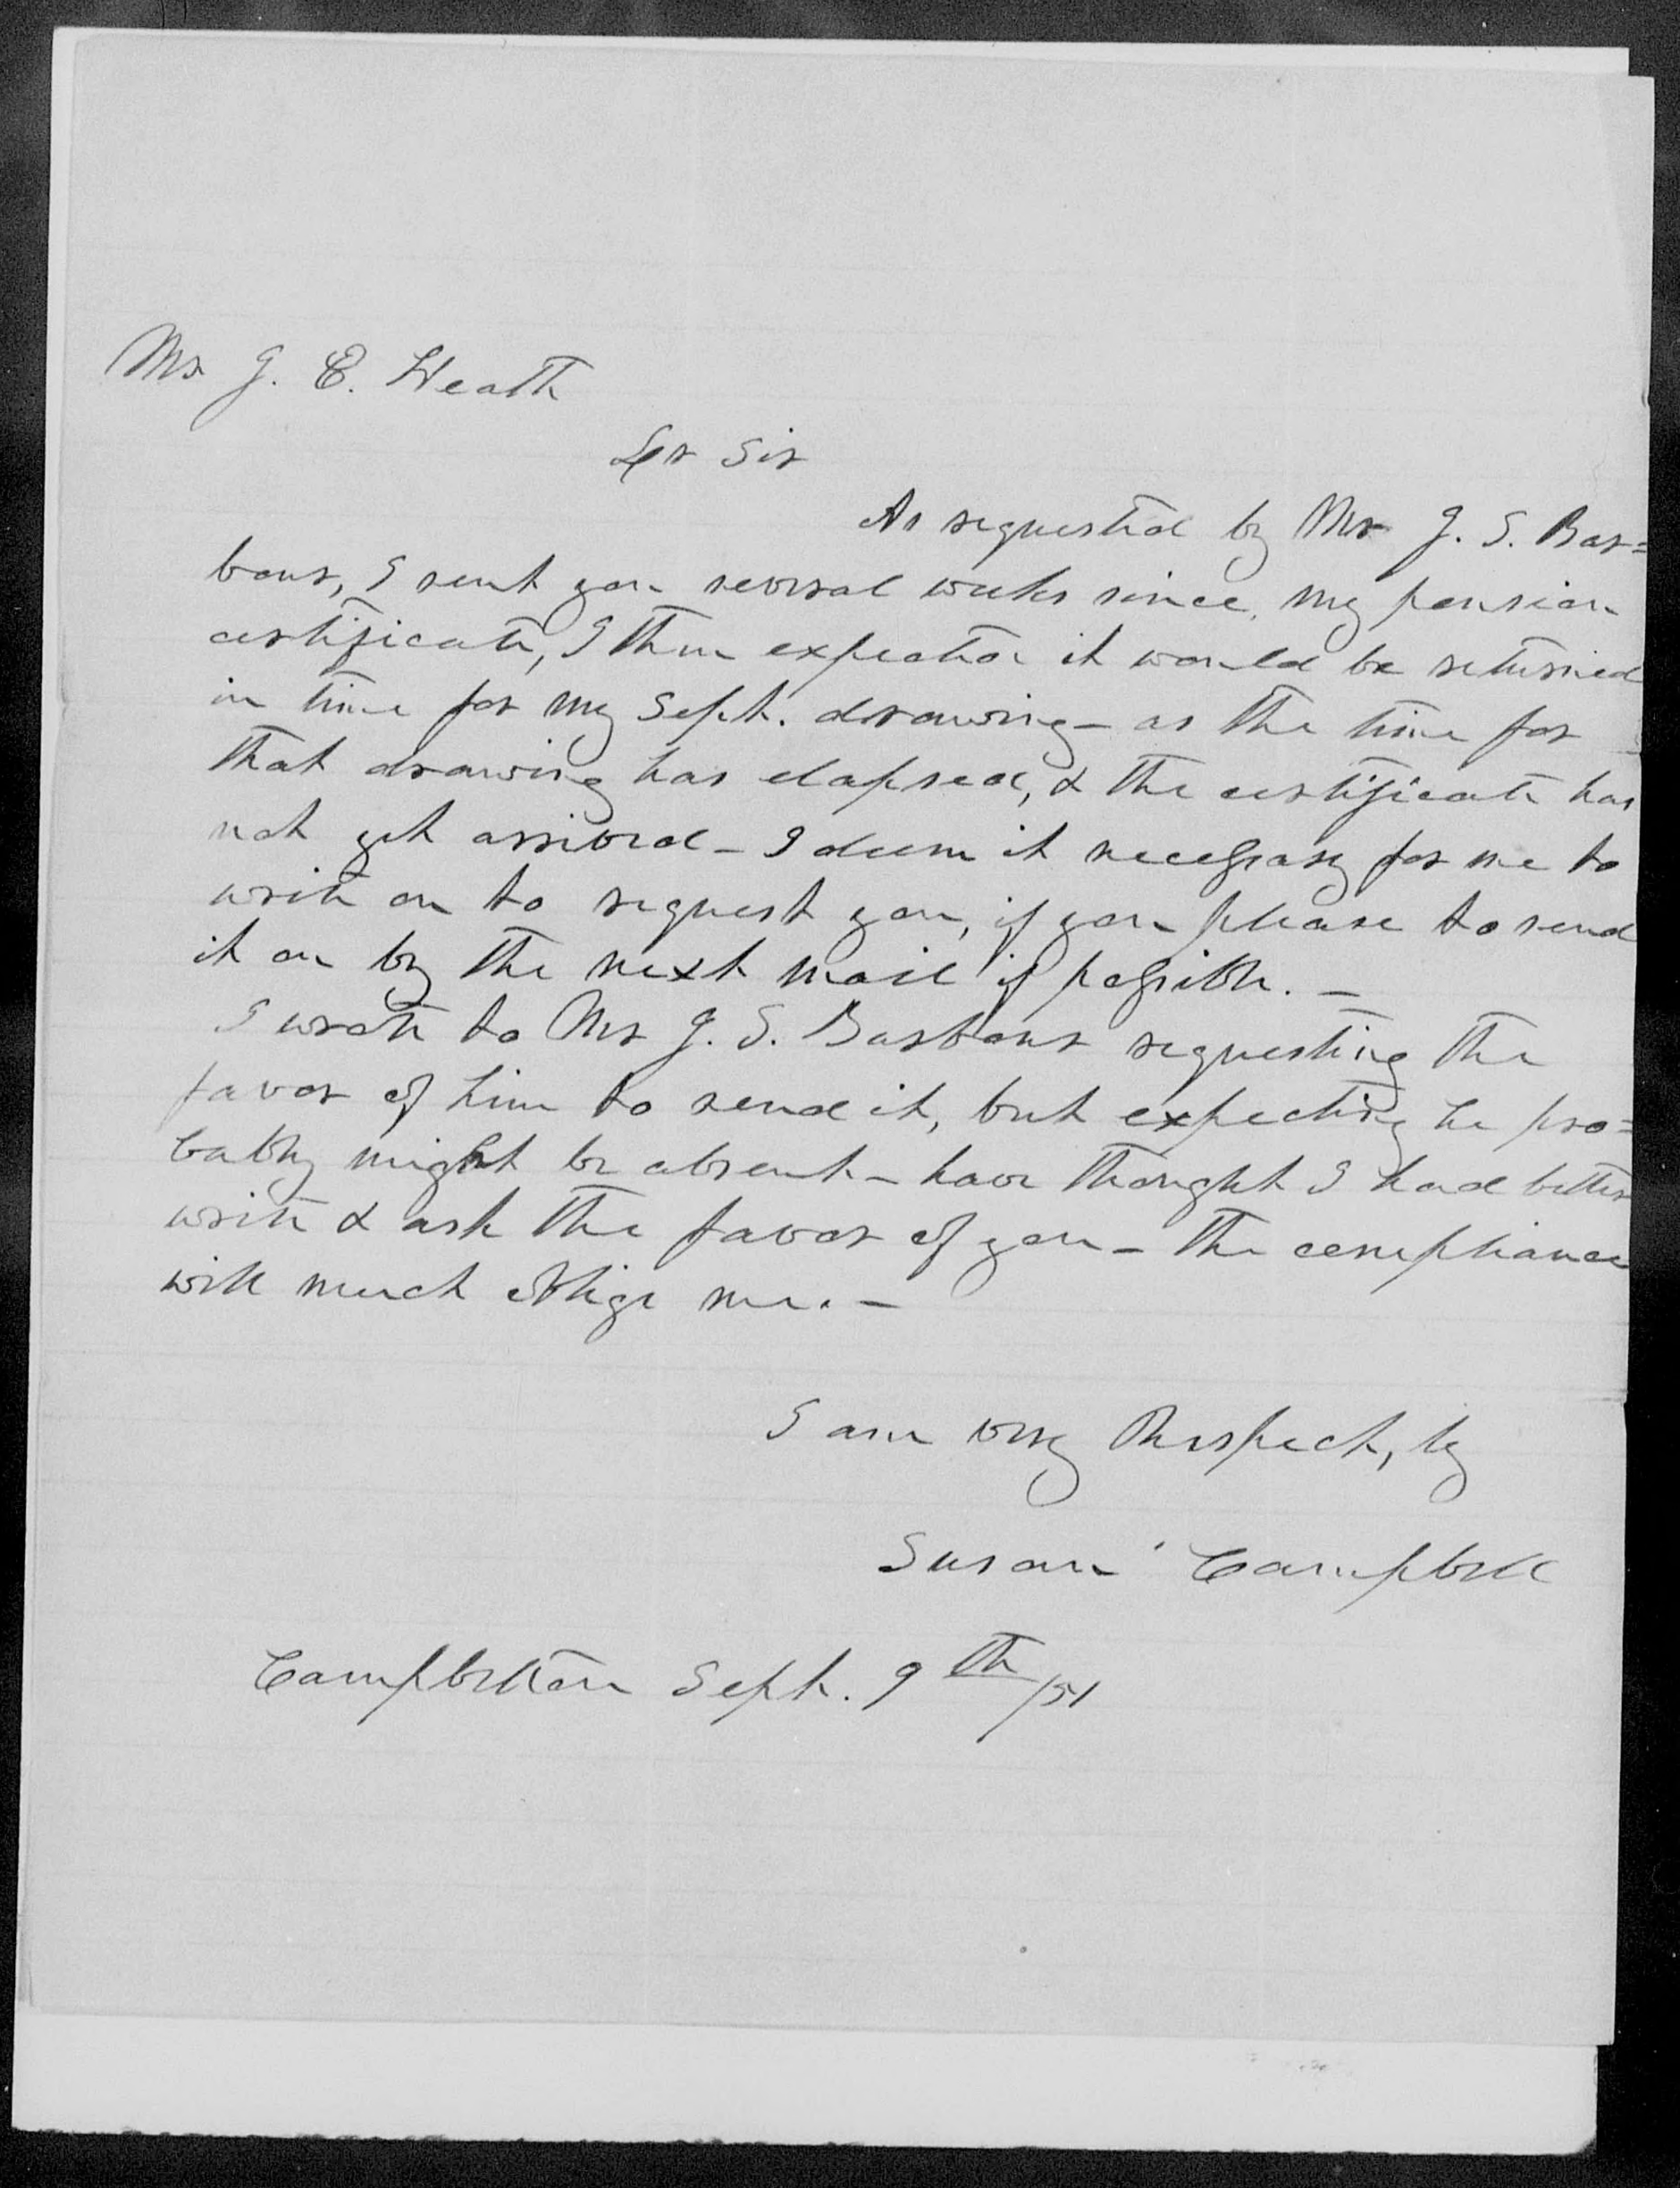Mr. J.E. Heath

Dr Sir
As requested by Mr. J.S. Barbour, I sent you several weeks since my pension certificate, I think expected it would be returned in time for my Sept. drawing - as the time for that drawing has elapsed, & the certificate has not yet arrived - I deem it necessary for me to write an to request you, if you please to send it on by the next mail if possible.
I wrote to Mr. J.S. Barbour requested the favor of him to sent it, but expecting he probably might be absent - have thought I had better write & ask the favor of you.  The compliance will much oblige me.
I am very Respectfully
Susan Campbell



Campbell Sept. 9th/51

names: Susan Campbell, J S Barbour, J S Barbour, J E Heath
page: 201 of 267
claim: widow's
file: W. 4,149, William Campbell, Va.